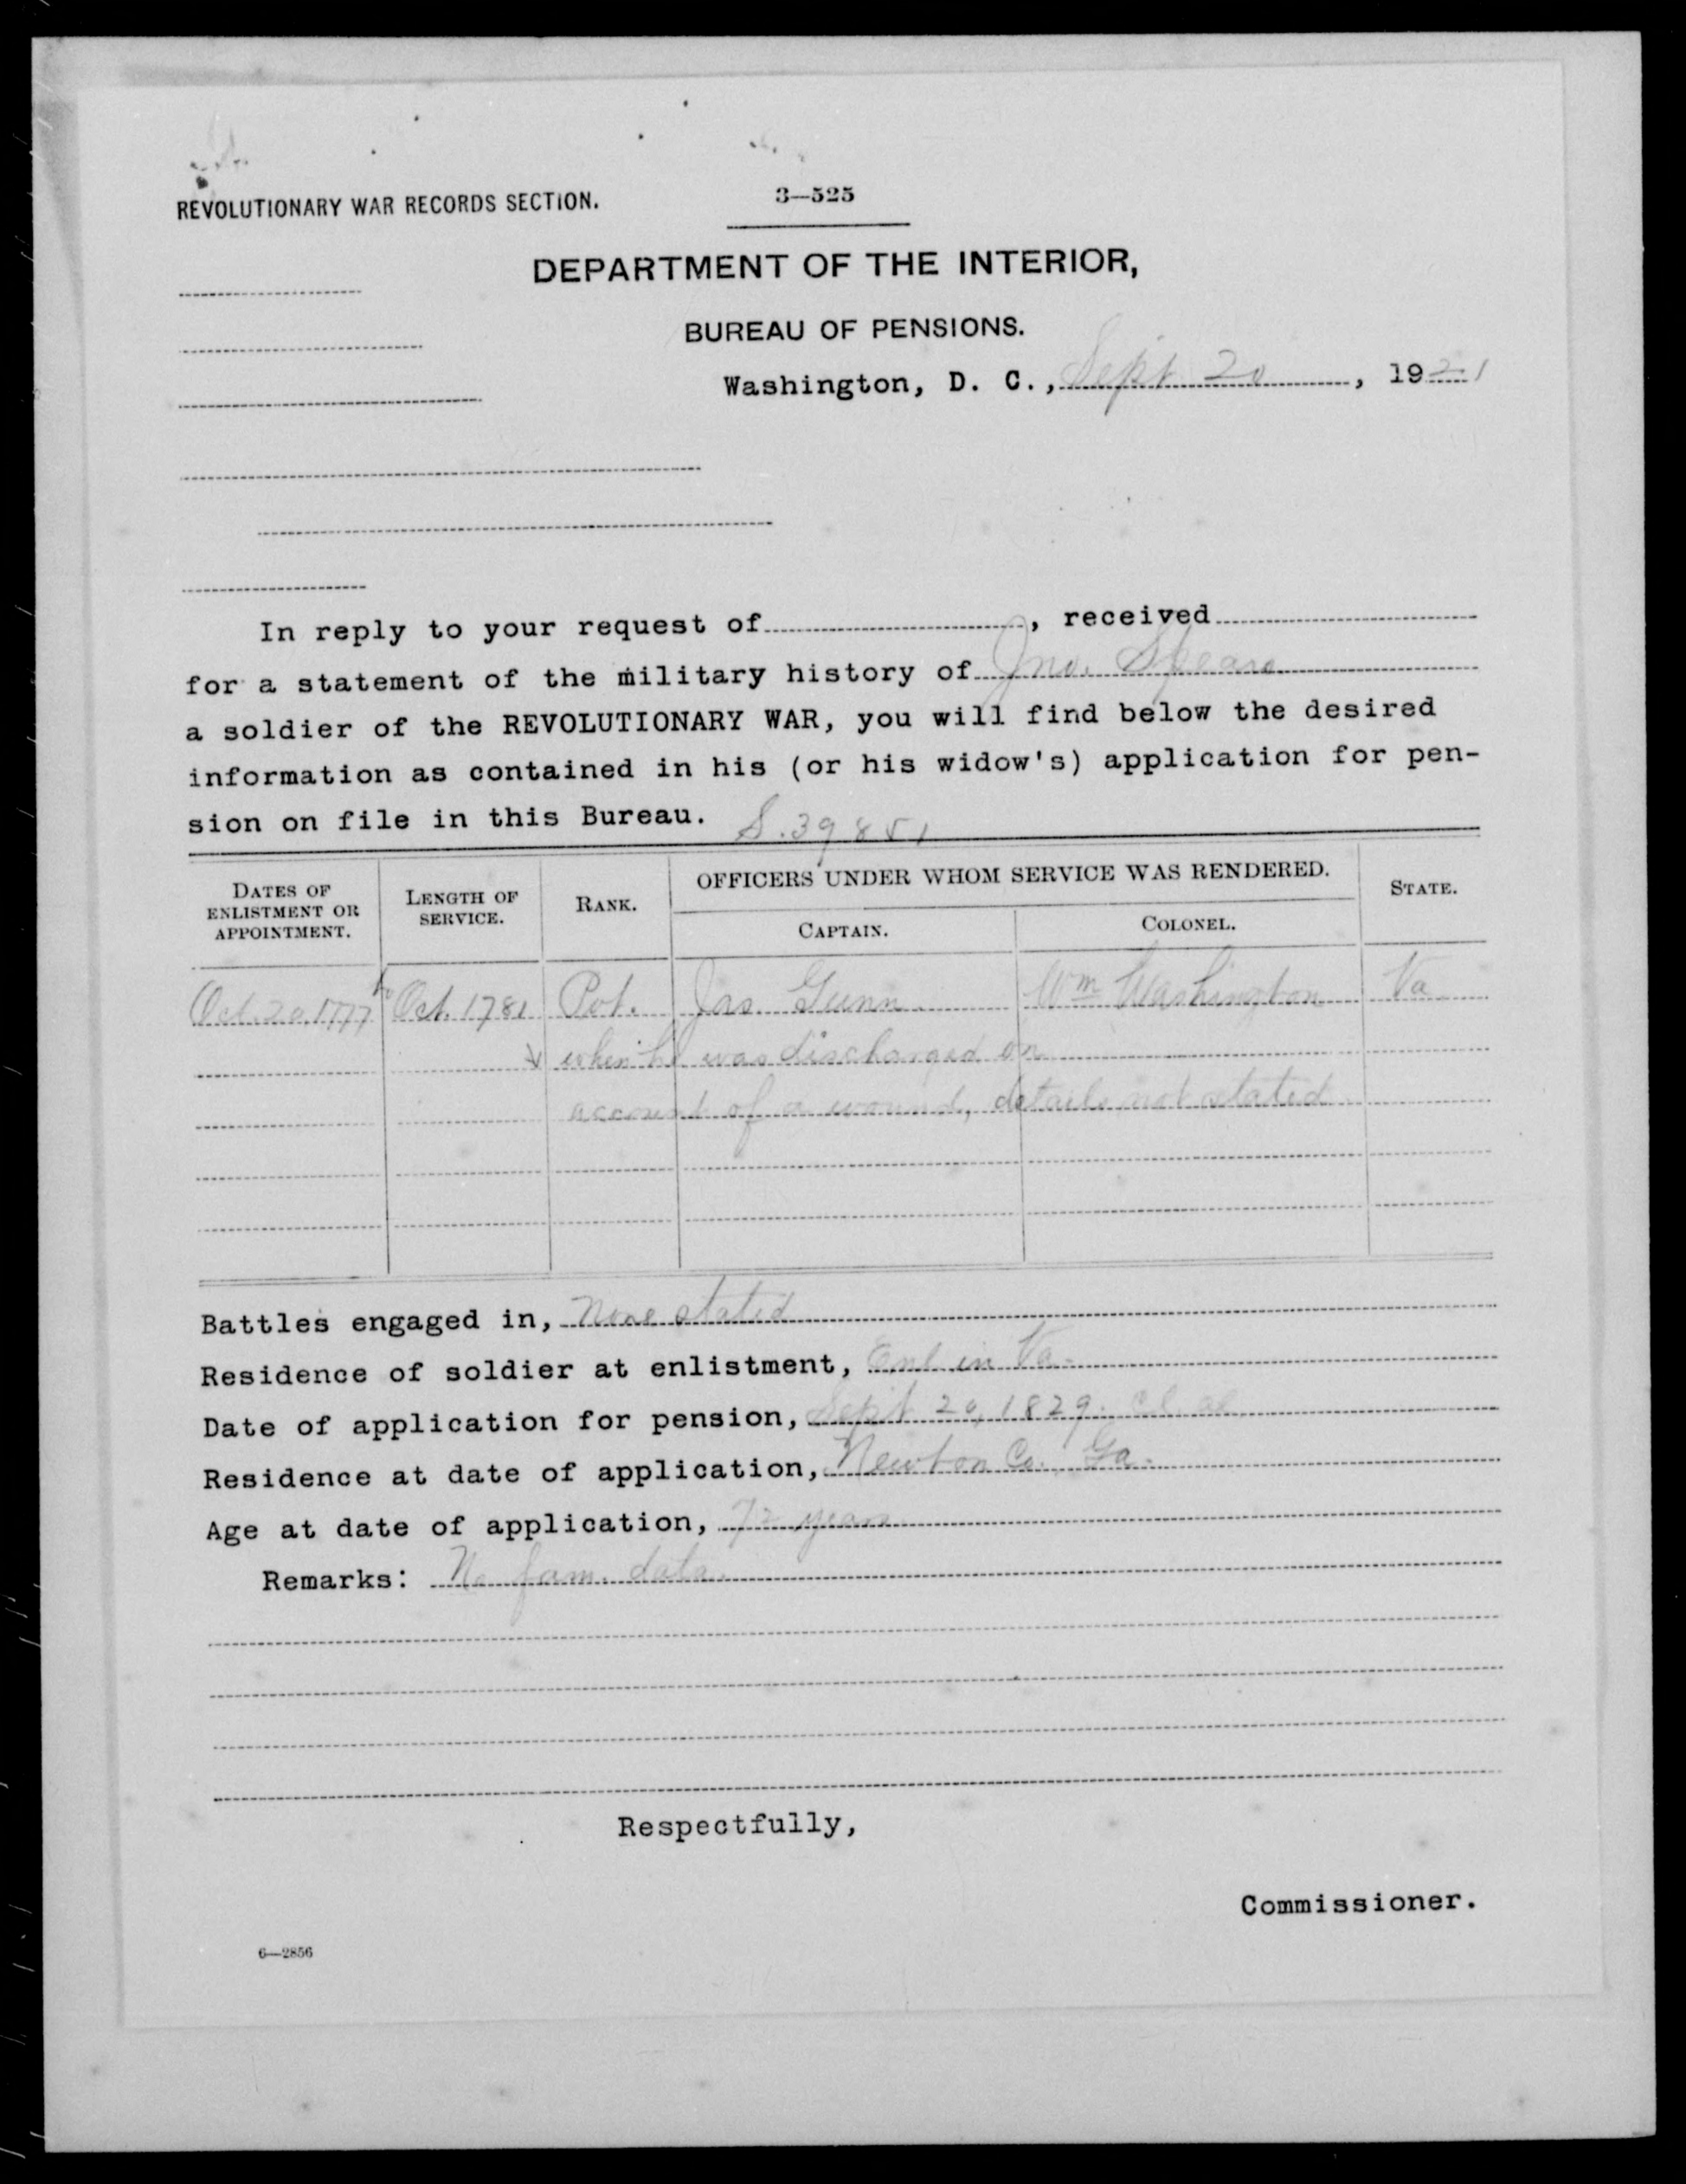REVOLUTIONARY WAR RECORDS SECTION. 3-525
DEPARTMENT OF THE INTERIOR,
BUREAU OF PENSIONS.
Washington, D. C., Sept 20, 1921

In reply to your request of ______, received ____ for a statement of the military history of Jno. Spears a soldier of the REVOLUTIONARY WAR, you will find below the desired information as contained in his (or his widow's) application for pension on file in this Bureau.
S. 39851

DATES OF ENLISTMENT OR APPOINTMENT.
Oct. 20 1777
LENGTH OF SERVICE.
to Oct. 1781 when he was discharged on account of a wound, details not stated.
RANK.
Pvt.
OFFICERS UNDER WHOM SERVICE WAS RENDERED.
CAPTAIN.
Jas Gunn
COLONEL.
Wm Washington
STATE.
Va.

Battles engaged in, none stated
Residence of soldier at enlistment, Enl. in Va.
Date of application for pension, Sept 20, 1829.
Residence at date of application, Newton Co. Ga.
Age at date of application, 72 years
Remarks; No fam. data.

Respectfully,
Commissioner.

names: Wm Washington; Jno Spears; Jas Gunn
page: 11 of 12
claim: survivor's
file: S. 39851, for John Spears, Virginia